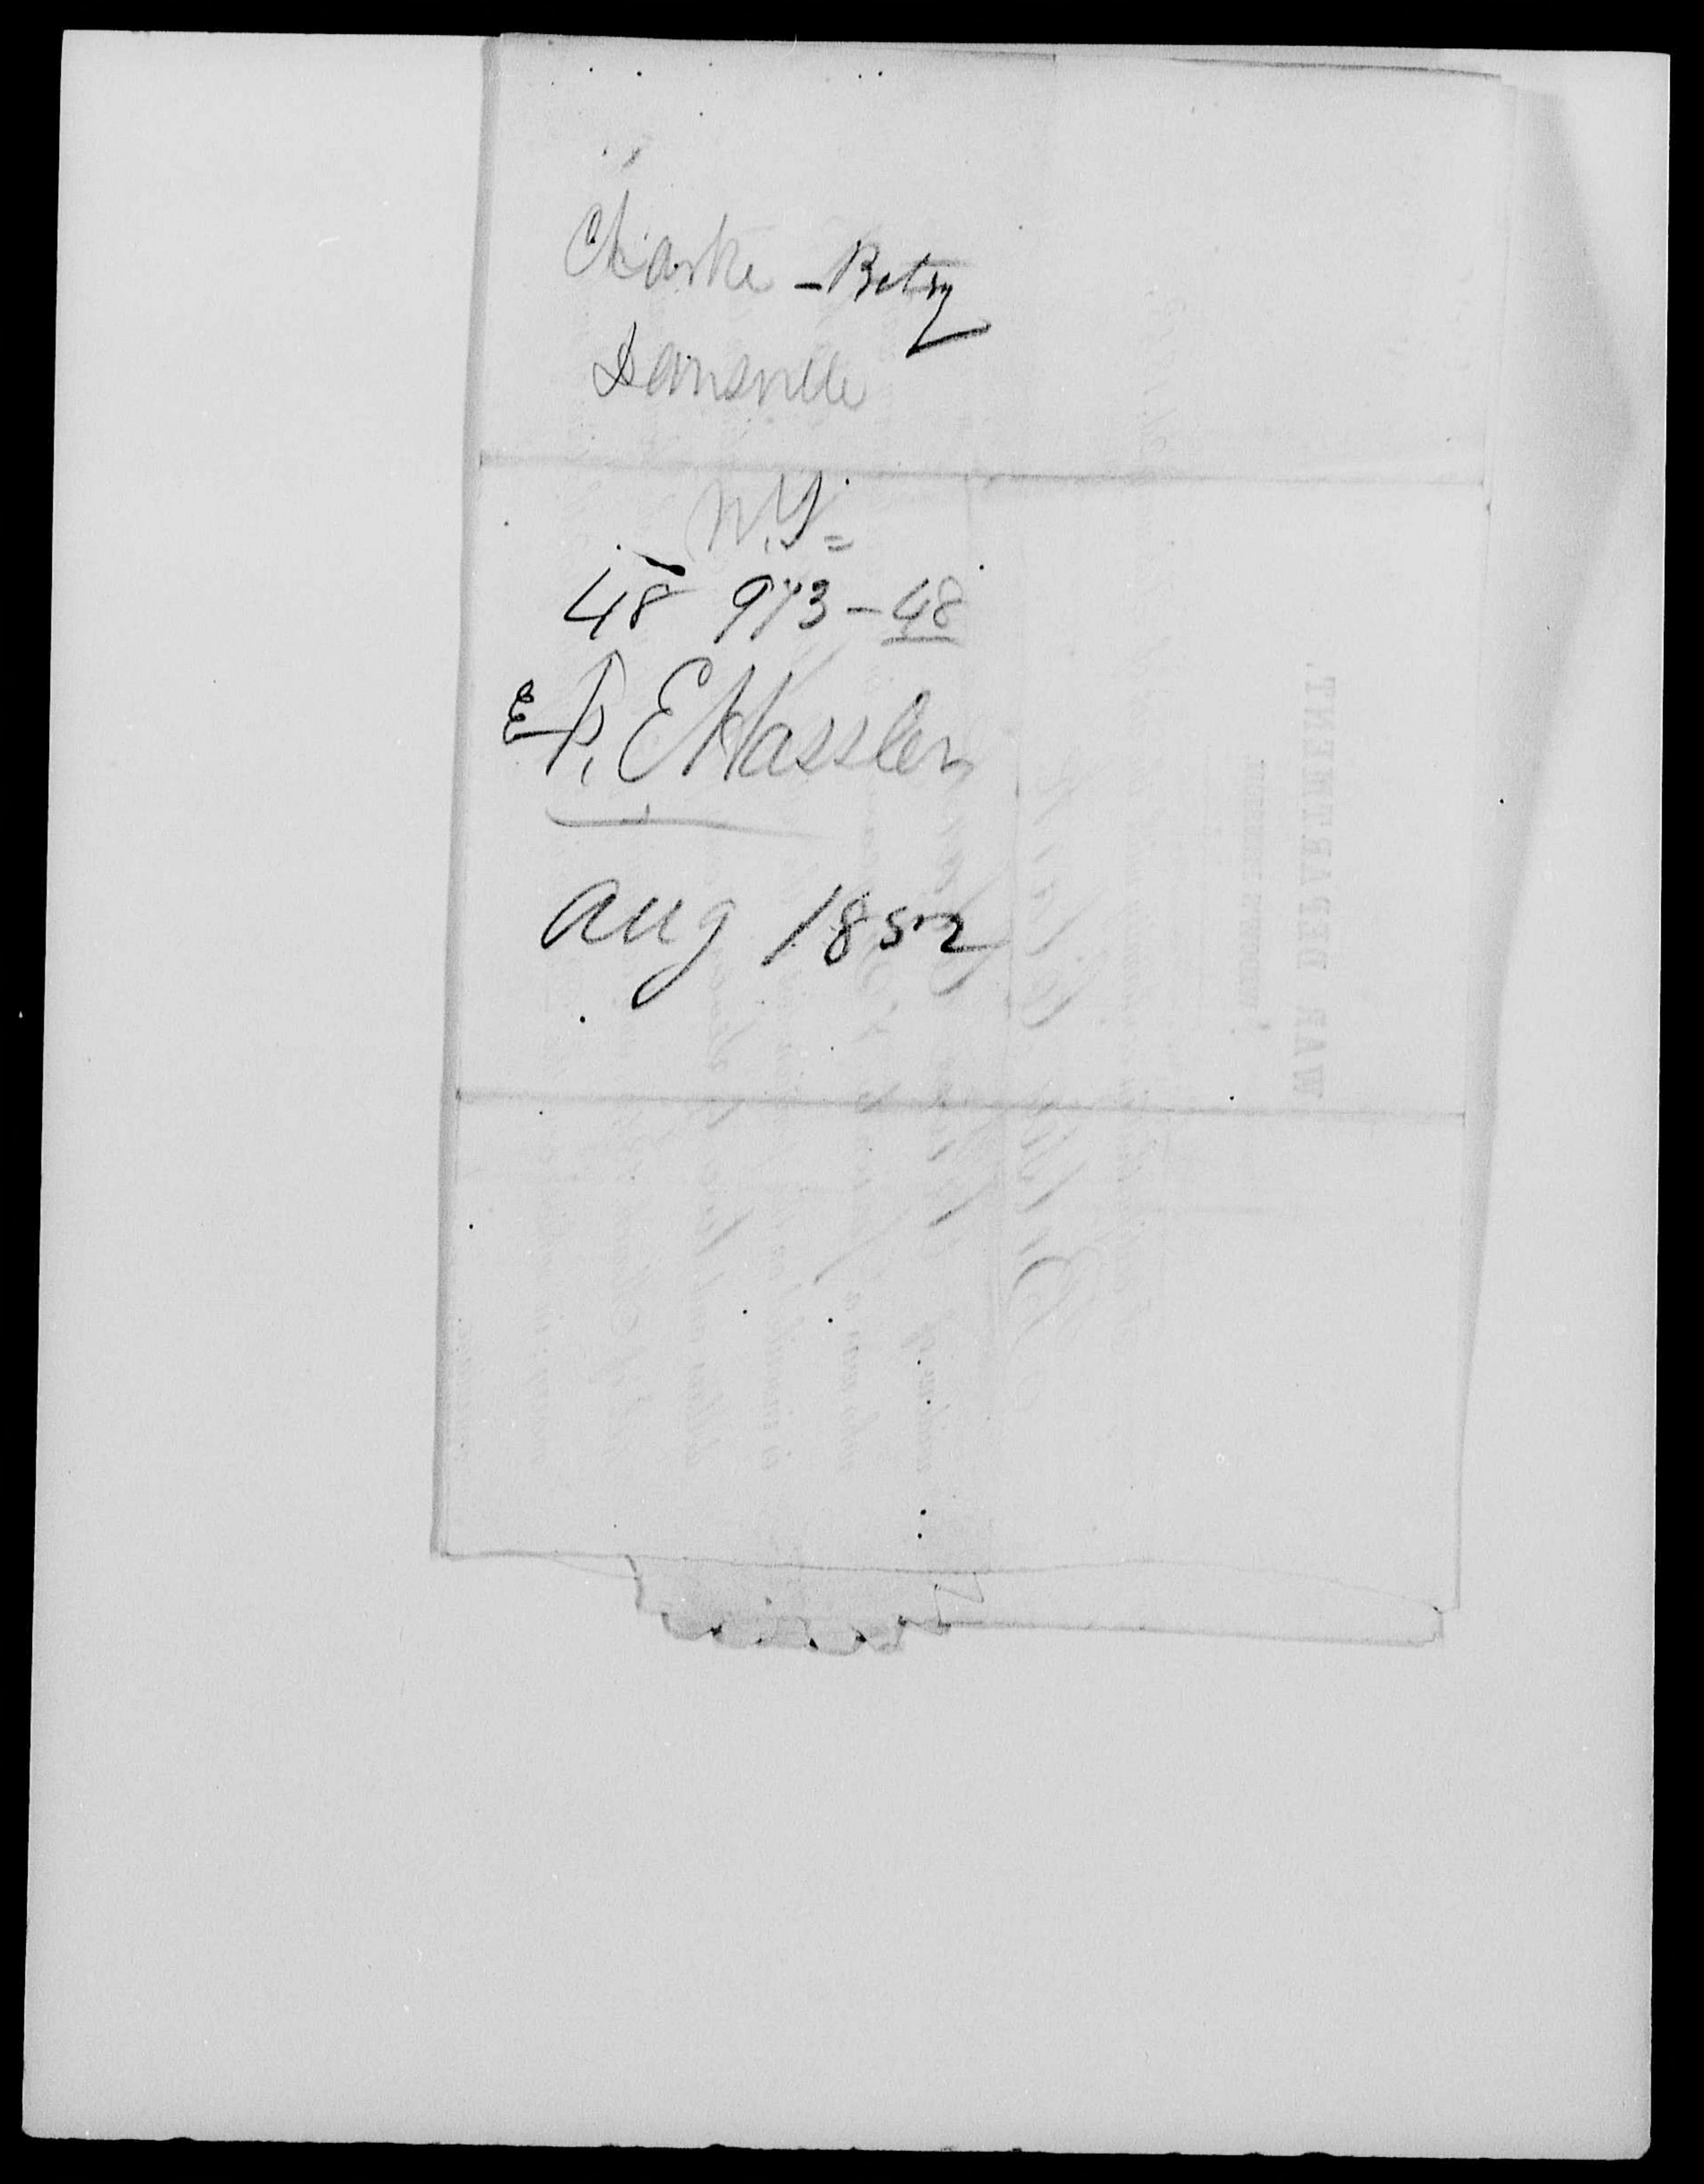Clarke _ Betsy
Dansville
NY
48 973-48
E F E Hassler
Aug 1852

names: F E Hassler, Betsy Clarke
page: 50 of 51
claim: widow's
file: W. 23816, Oliver Clark, Conn.